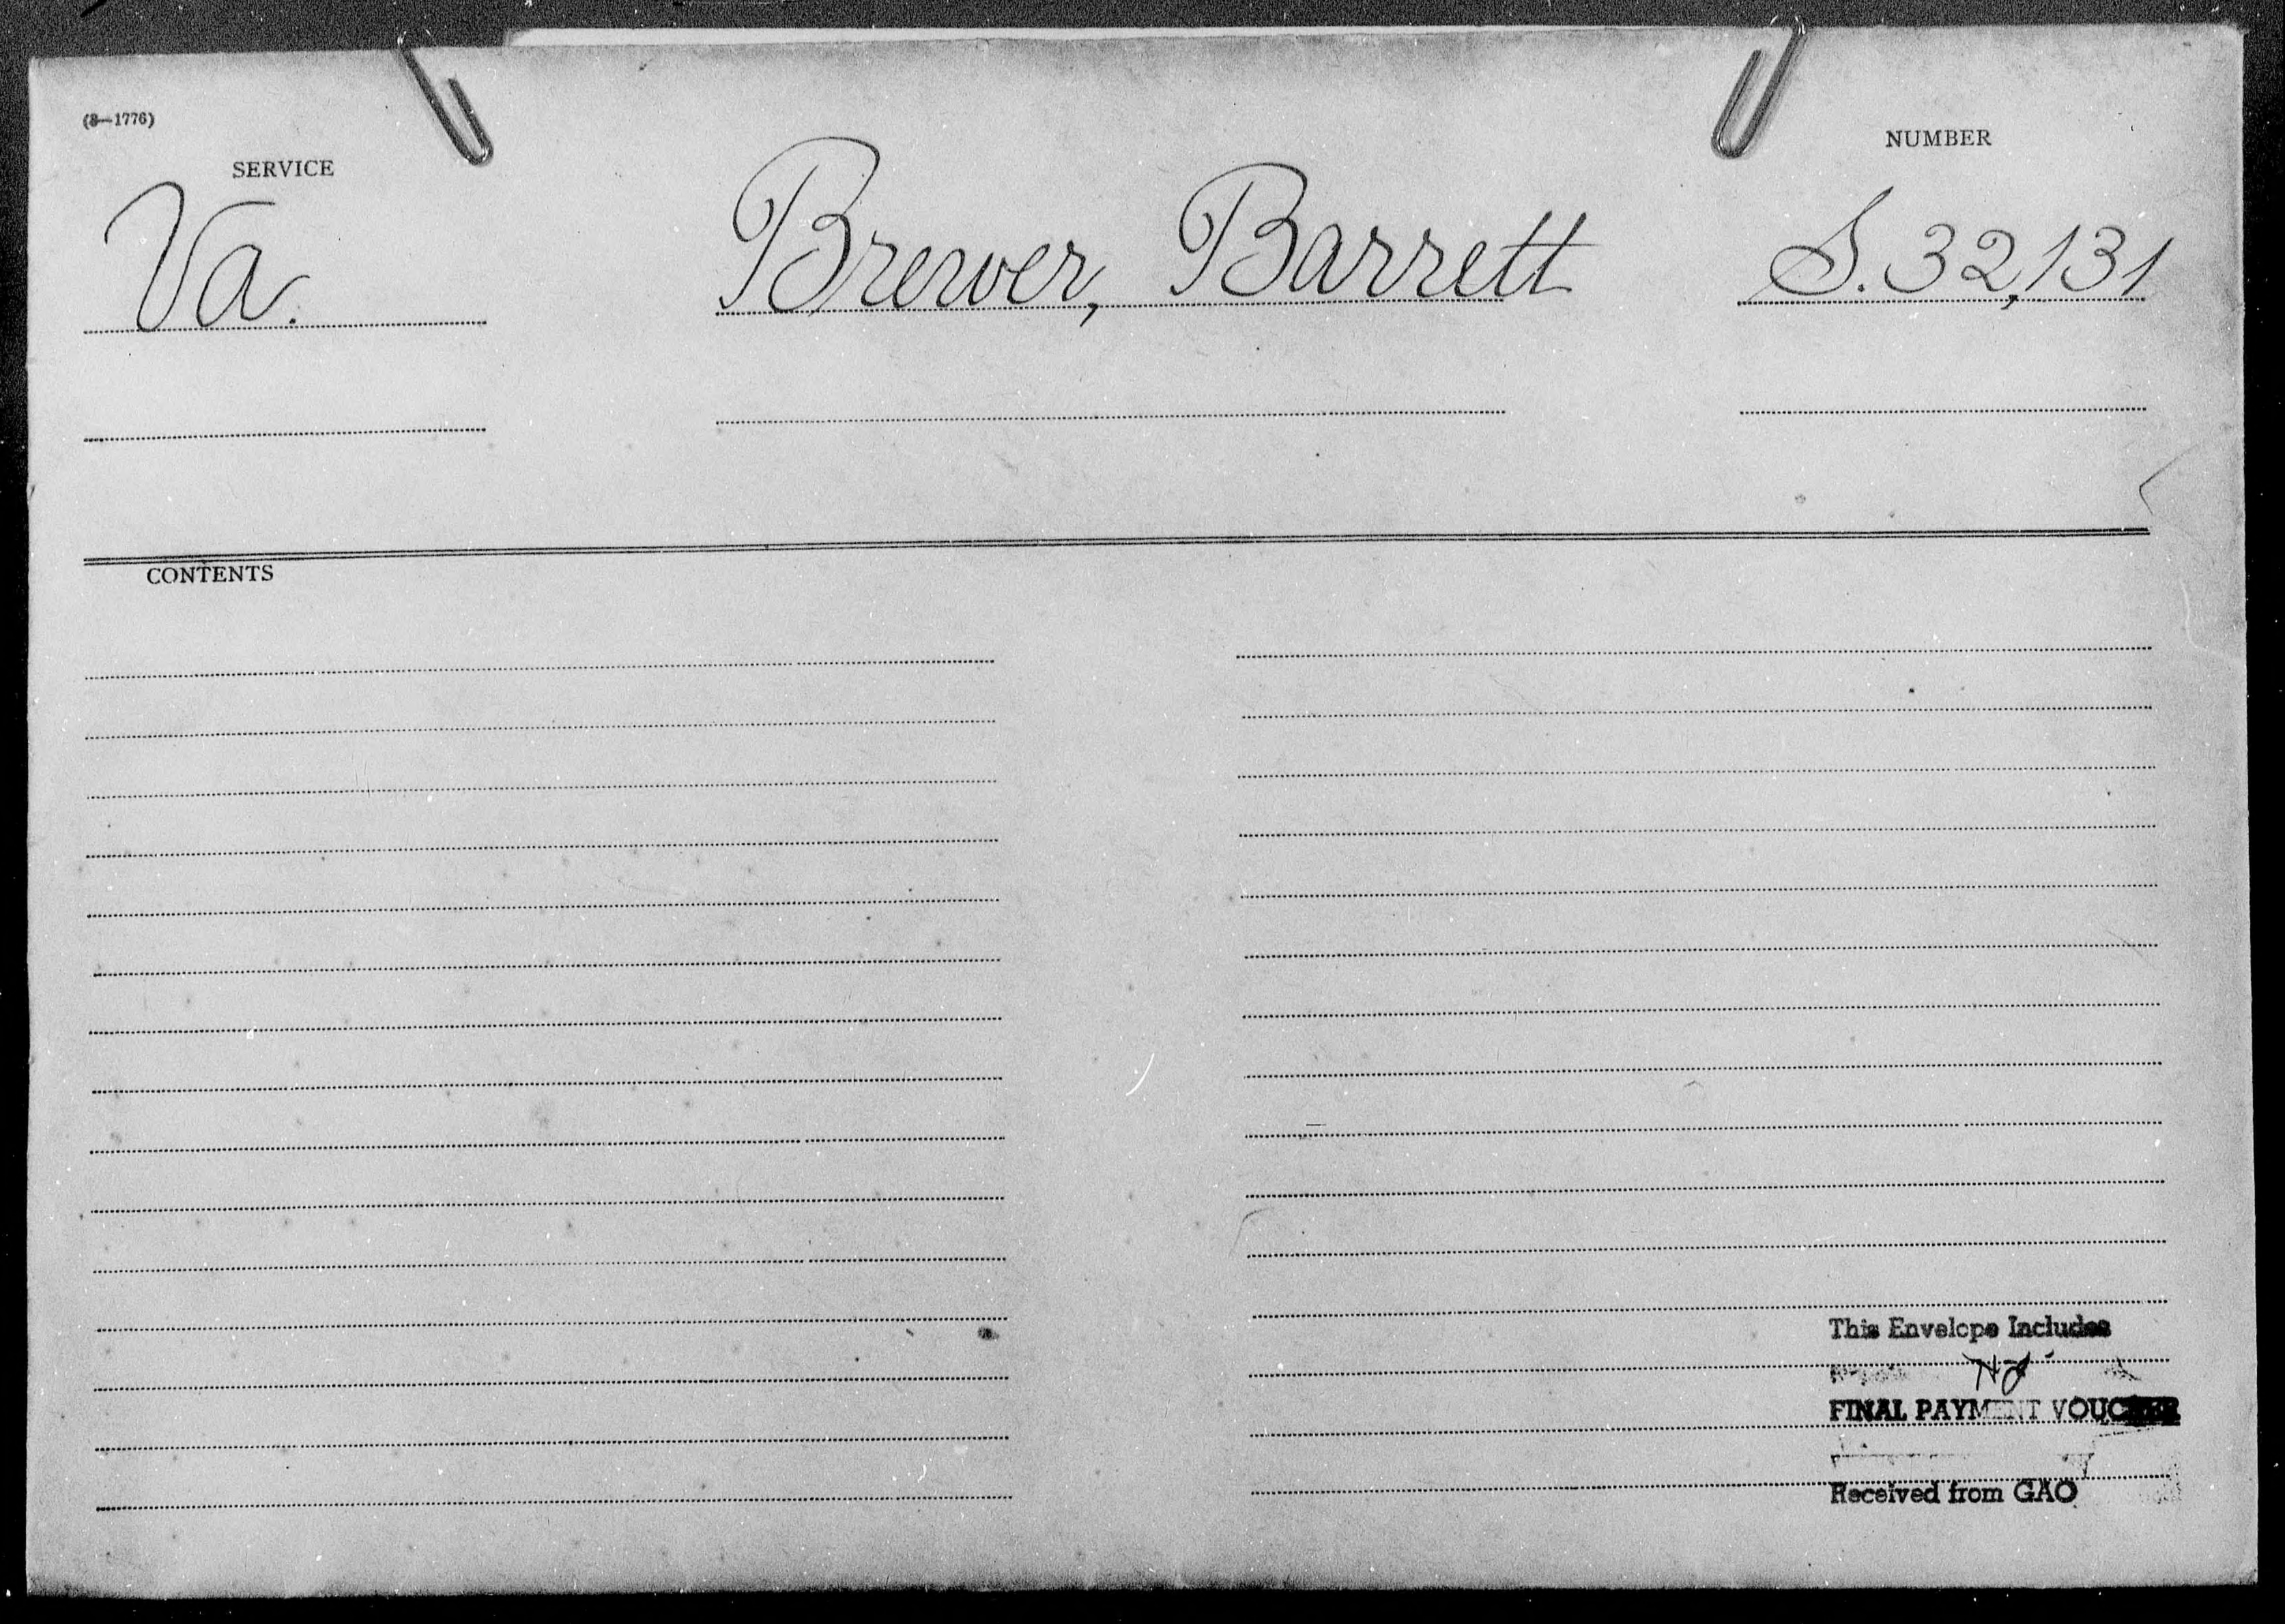(8-1776)
SERVICE                                NUMBER
Va.          Brewer, Barrett       S.32,131



[Stamped on lower right ]

This Envelope Includes
FINAL PAYMENT VOUCHER
Received from GAO.














0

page: 1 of 49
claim: survivor's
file: S. 32,131, Barrett Brewer, Va.